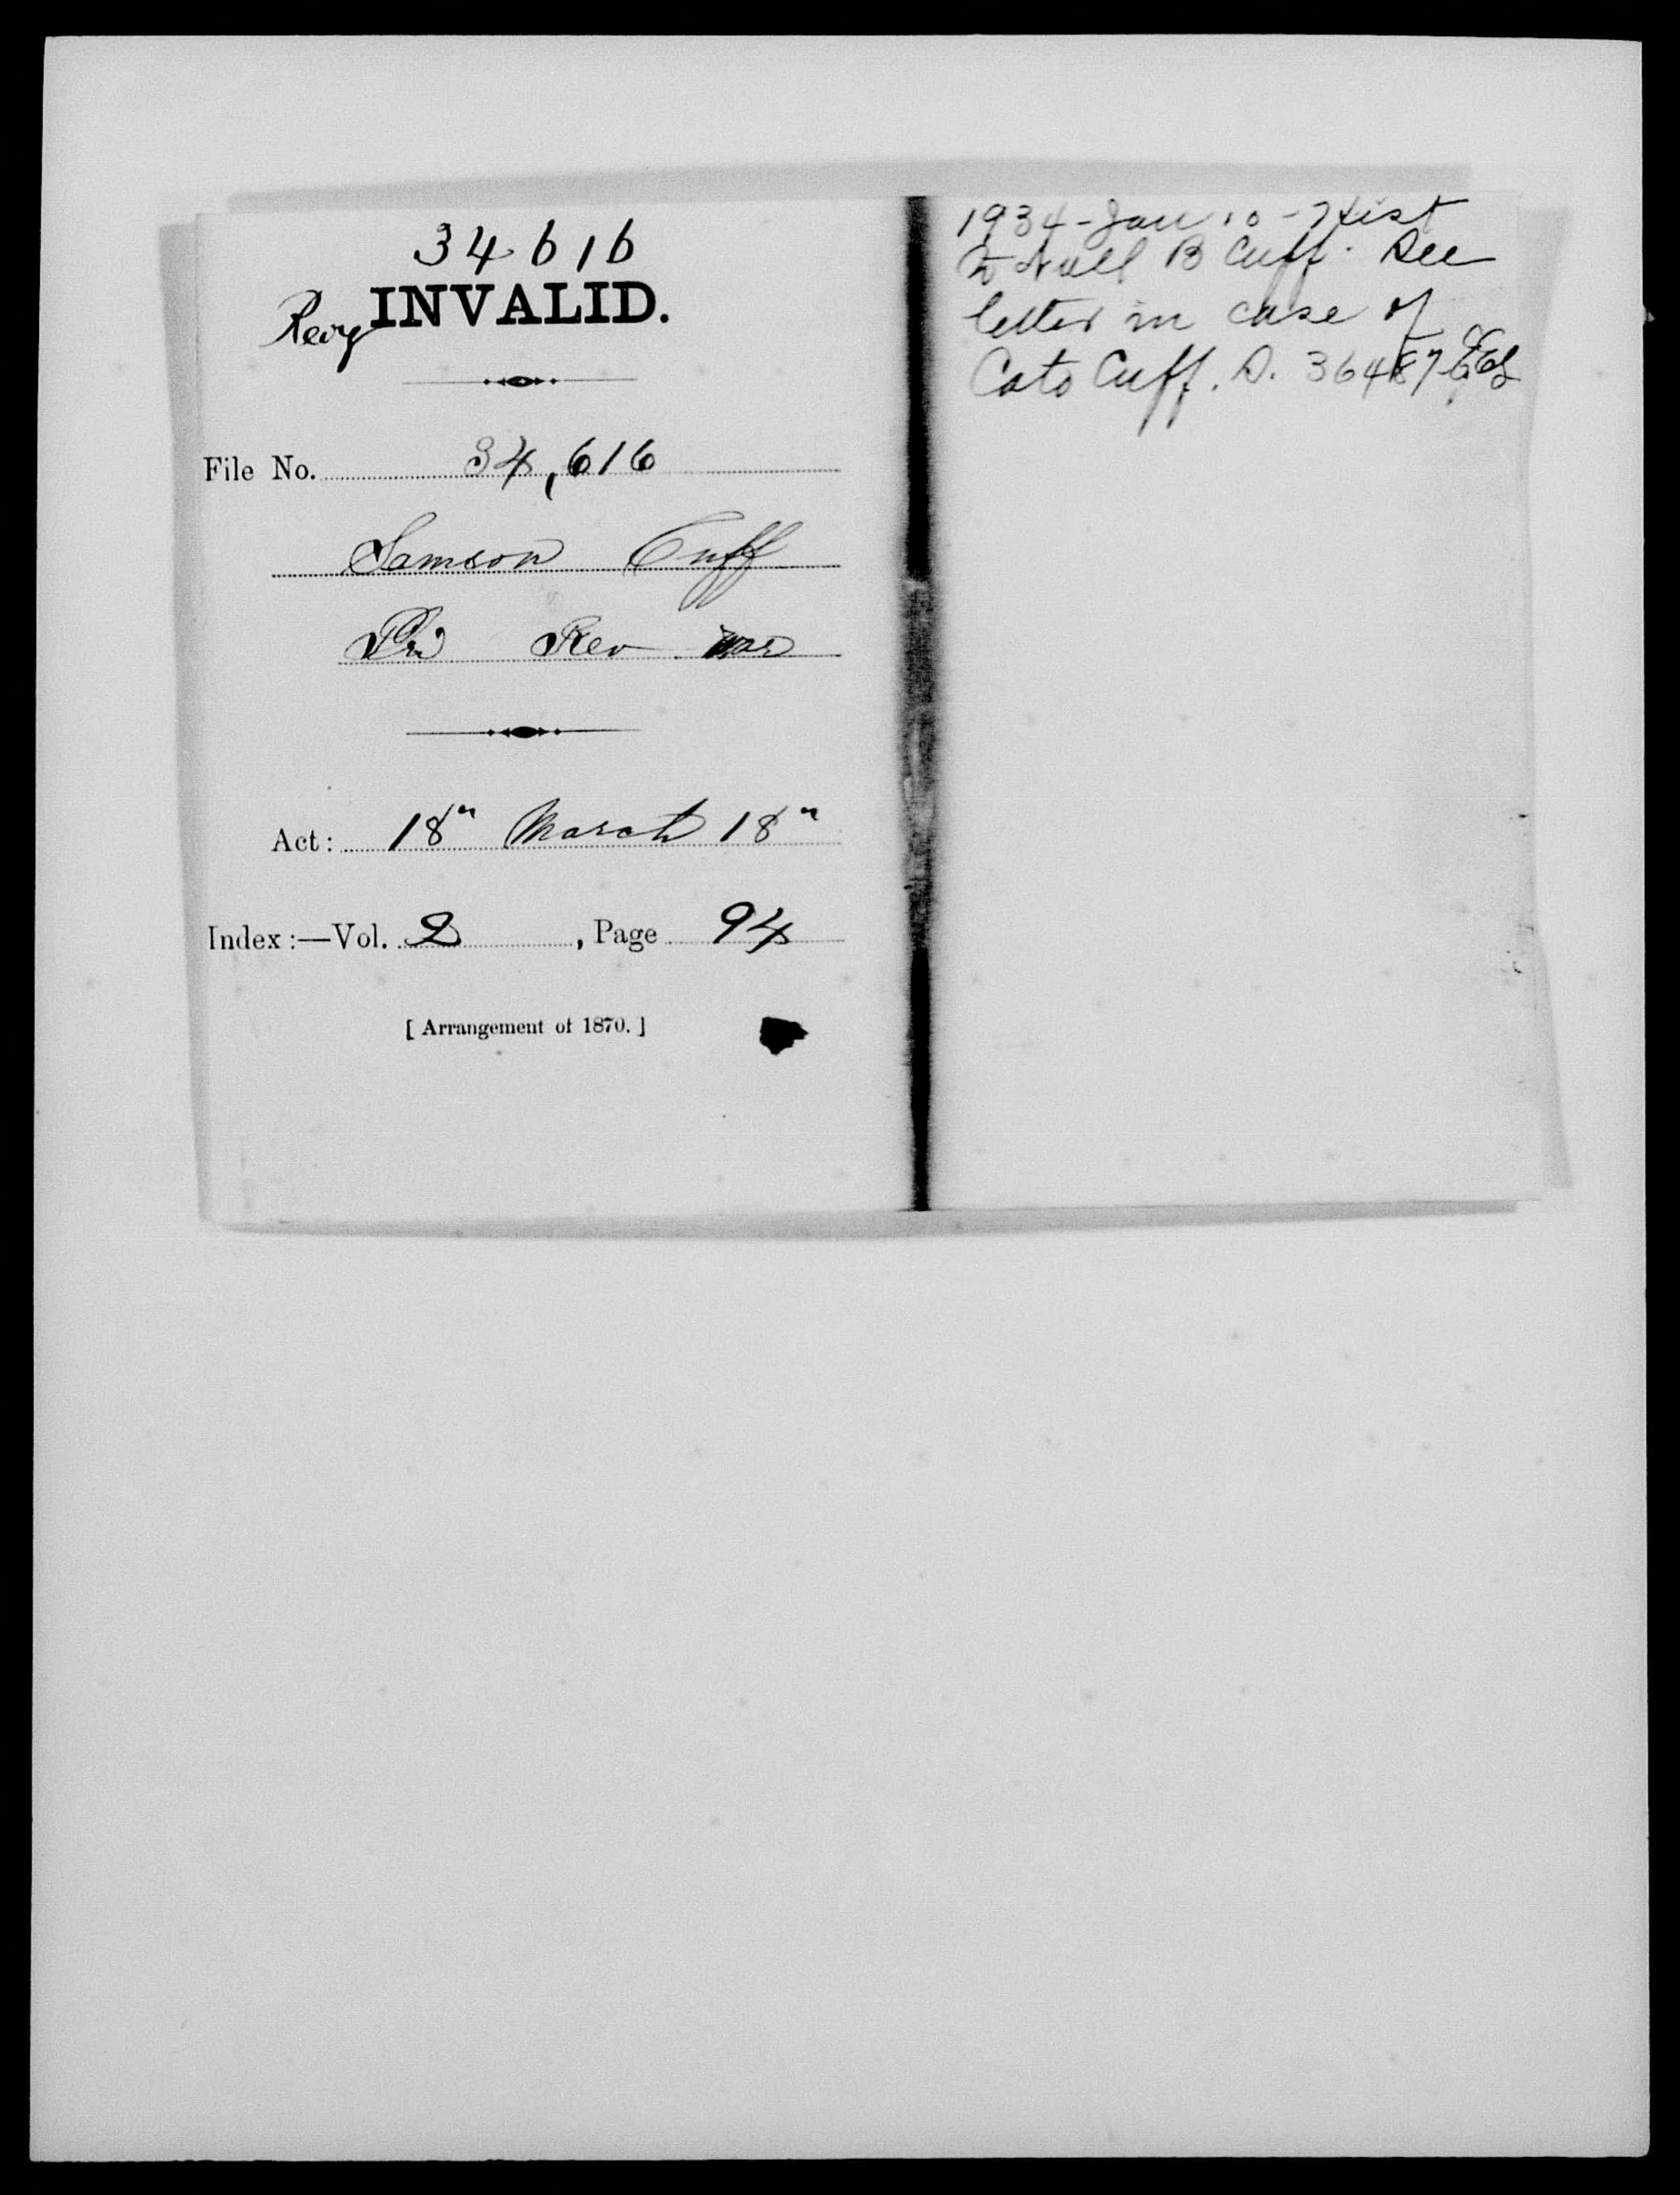34616
INVALID
File No. 34,616
Samso Cuff
[ILLEGIBLE]
Act: 18th March 18
Index-: Vol. 2, Page 94
[Arrangement of 1870]
1934- Jan 10- First
Noel B. Cuff Nee
letter in case of
Cato Cuff D. 3648766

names: Cato Cuff, Noel B Cuff, Samson Cuff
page: 9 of 11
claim: survivor's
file: S. 34,616, Samson Cuff, Conn.